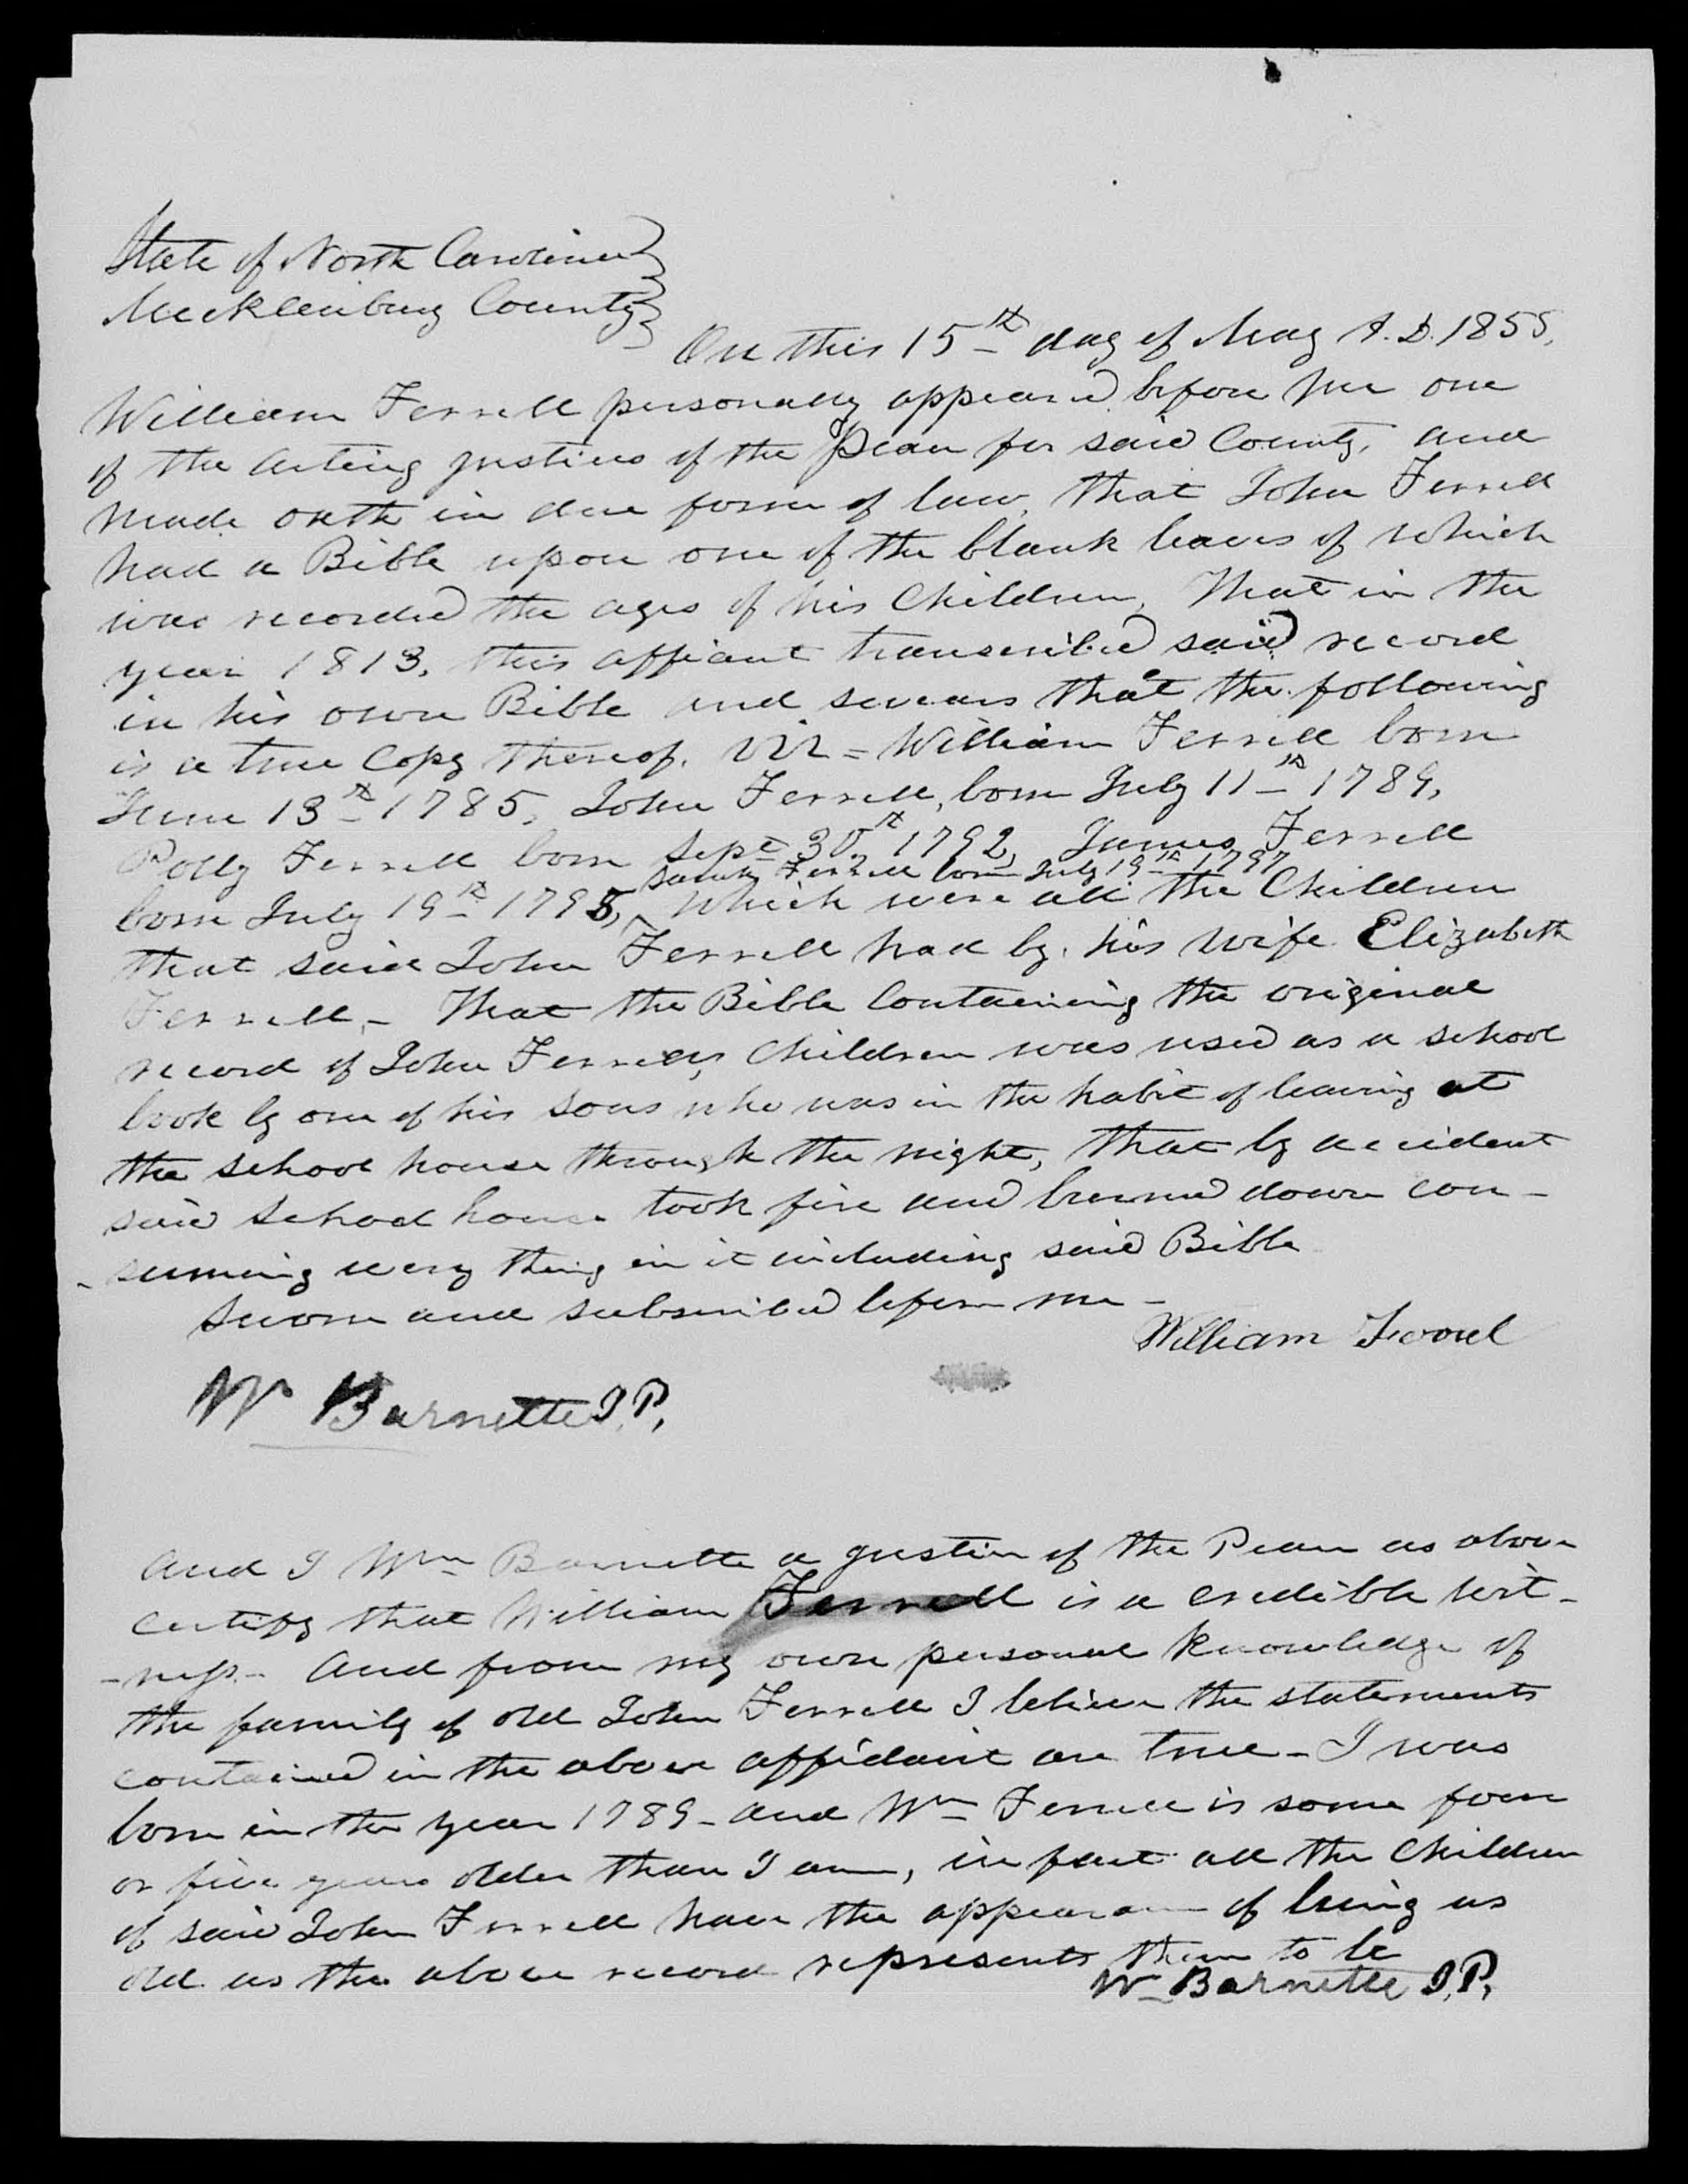State of North Carolina
Meckenburg County
One this 15th day of May AD 1855, William Ferrell personally appeared before me one of the acting justices of teh peace for said County, and made oath in due form of law, that John Ferrell had a BIble upon one of the blank leaves of which was recorded the ages of his children, that in the year 1813, this officiant transcribe said record in his own Bible and swears that the following is a true copy thereof.  William Ferrell born June 13th, 1785.  John Ferrell born July 11th, 1789, Polly Ferrell born Sept 30th 1782, James Ferrell born July 19th, 1795, :illegible: Ferrell born July 19th, 1797. Which were all the children that said John Ferrell has by his wife Elizabeth Ferrell.  That the Bible containing the original record of John Ferrell’s children was used as a school book by one of his sons in he was in the habit of leaving at the school house through the night, that by accident said school house took fire and burned down consuming everything in it including said Bible.
Sworn and subscribed before me.
W. Barnette JP William Ferrell
And I Wm. Barnette a justice of the Peace as above county that William Ferrell is is credible witness and from my own personal knowledge of the family of old John Ferrell I believe the statements contained in the above affidavit are true.  I was born in the year 1789 and Wm. Ferrell is some four or five years older than I am, in part all the children of said John Ferrell have the appearance of living as old as the above record represents them to be.
W. Barnette JP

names: John Ferrell, John Ferrell, James Ferrell, Wm Barnette, William Ferrell, Polly Ferrell, William Ferrel, John Ferrill, Wm Ferrell, W Barnette, William Ferrell, Elizabeth Ferrell, John Ferrell, John Ferrell, John Ferrell, William Ferrell, W Barnette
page: 23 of 52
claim: rejected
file: R. 3,512, John Ferrell, N.C.